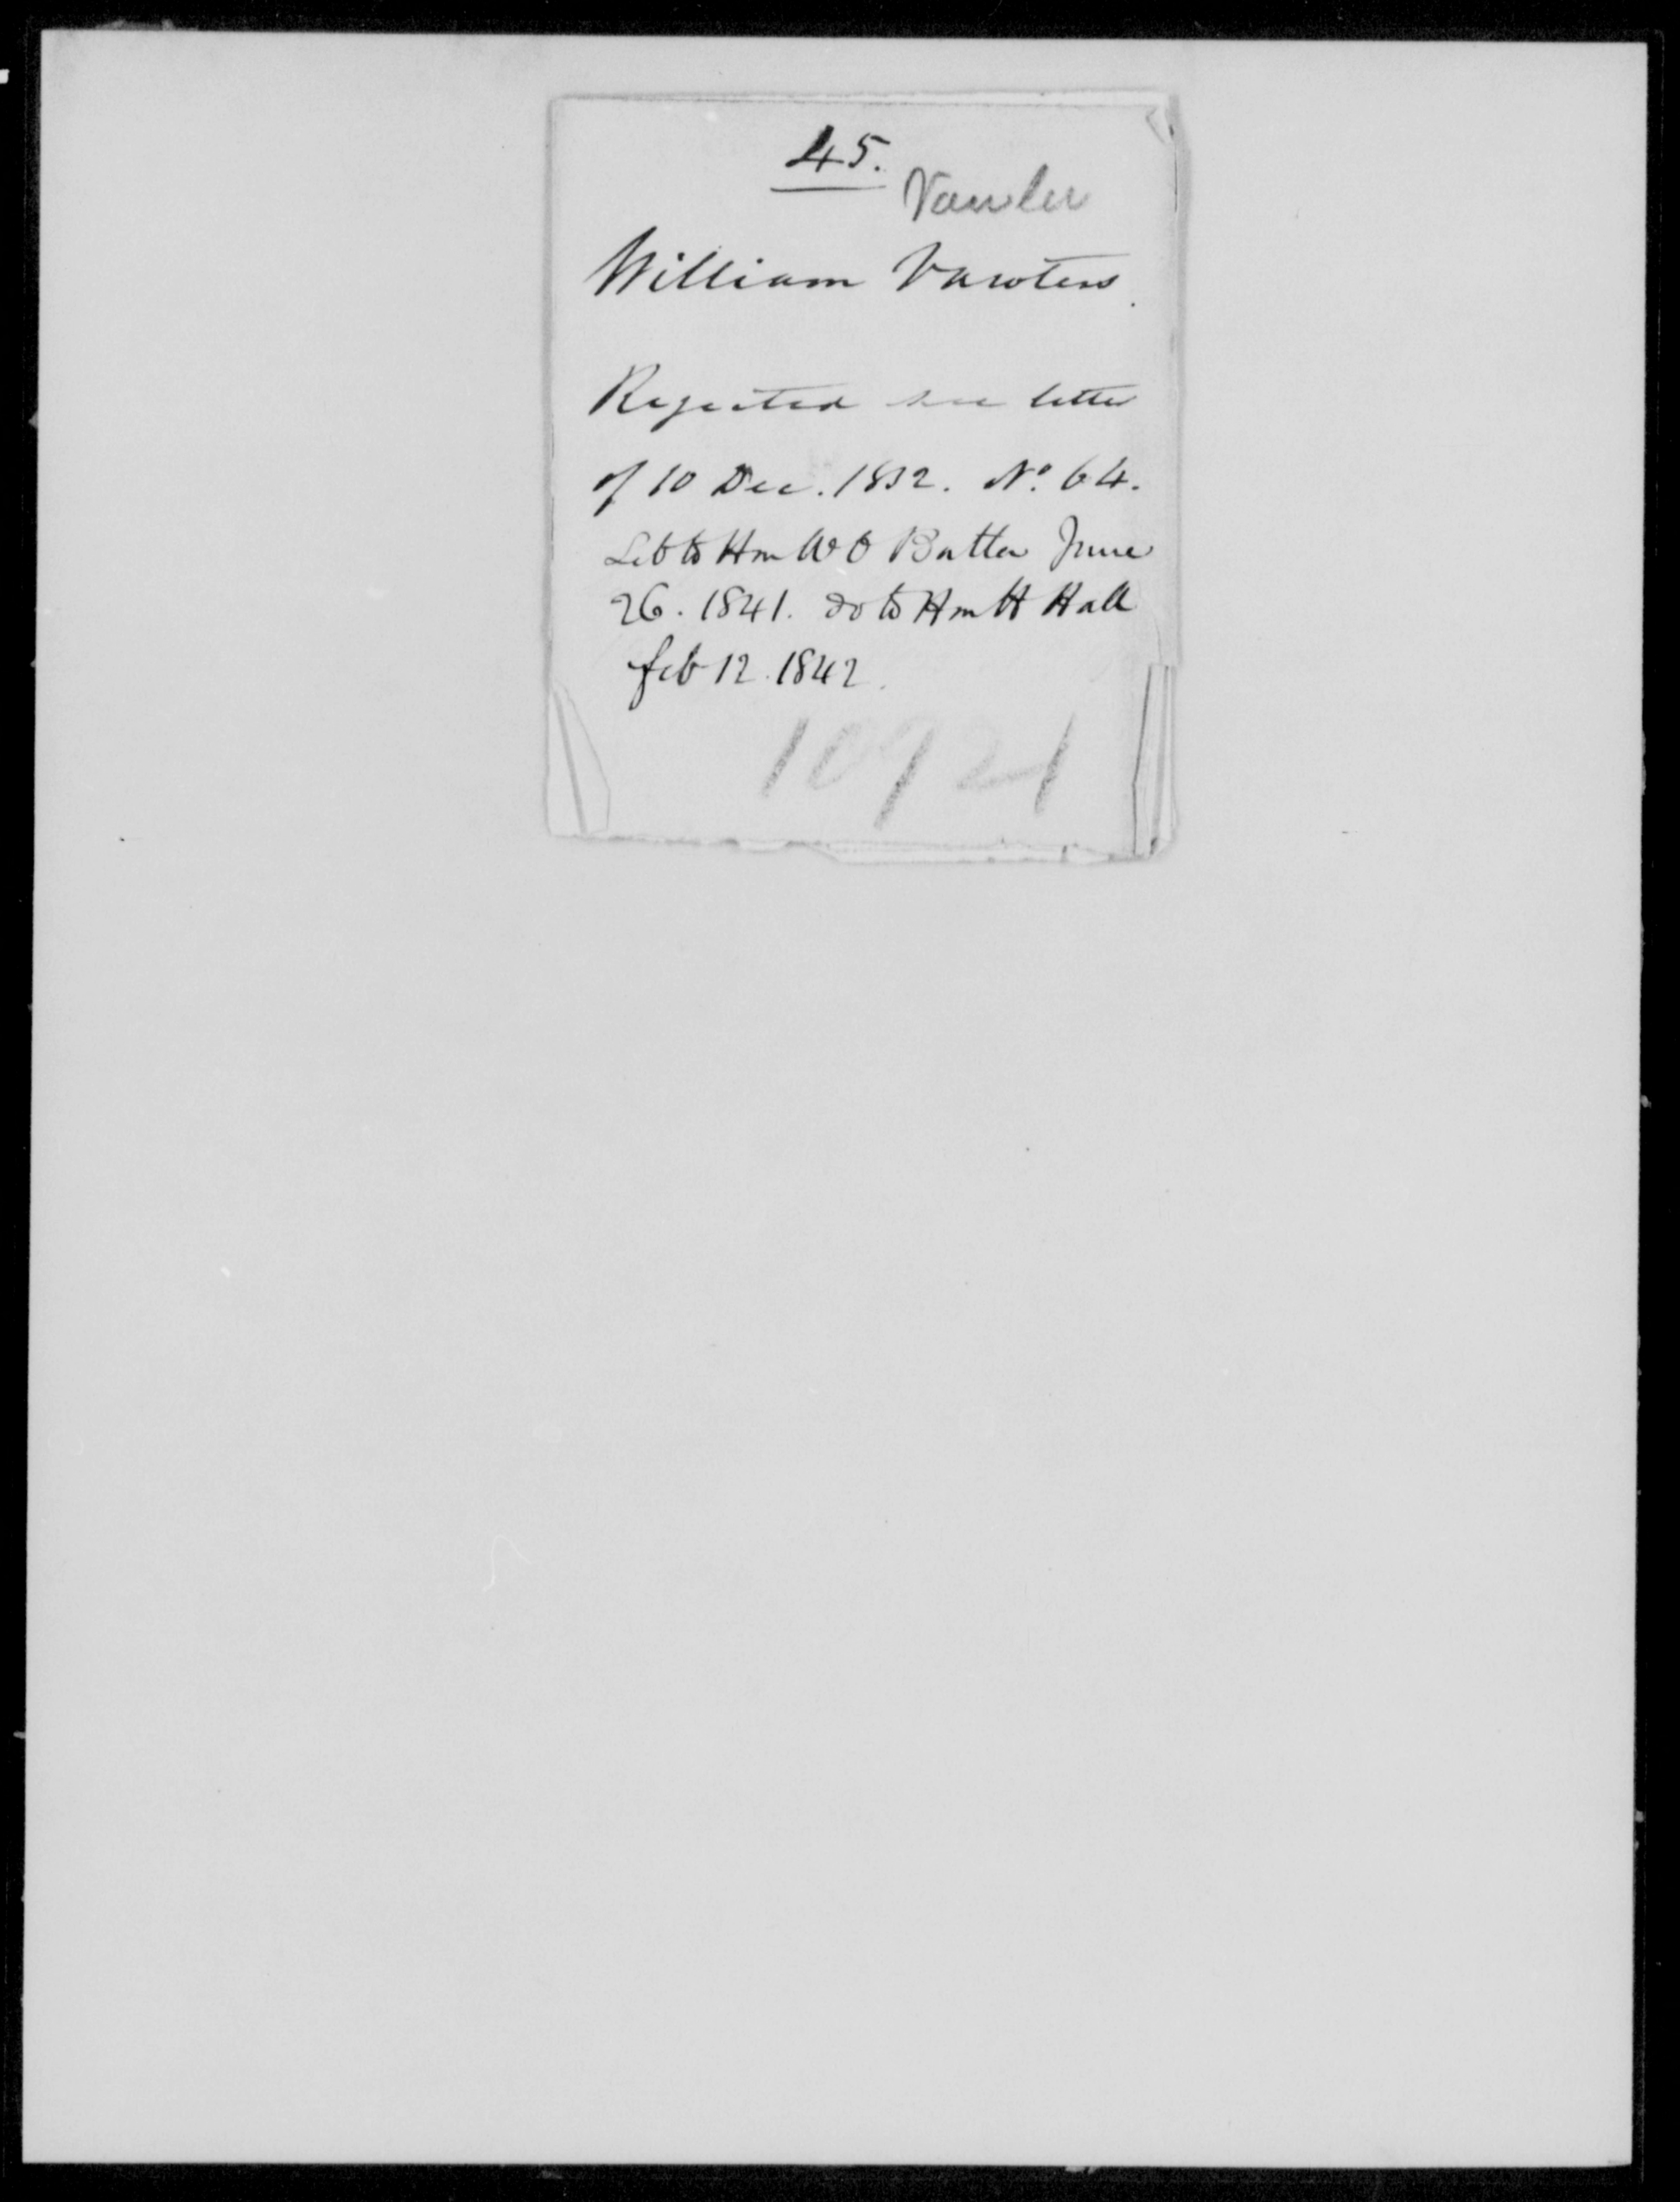45.
Vawter
William Vawters
Rejected see letter
of 10 Dec. 1832. No. 64
Let to Hon W Batter June
26. 1841. do to Hon H Hall
Feb 12 1842

10921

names: William Vawters, H Hall, Vawler, W O Batter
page: 17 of 51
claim: rejected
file: R. 10,921, William Vawter, Va.